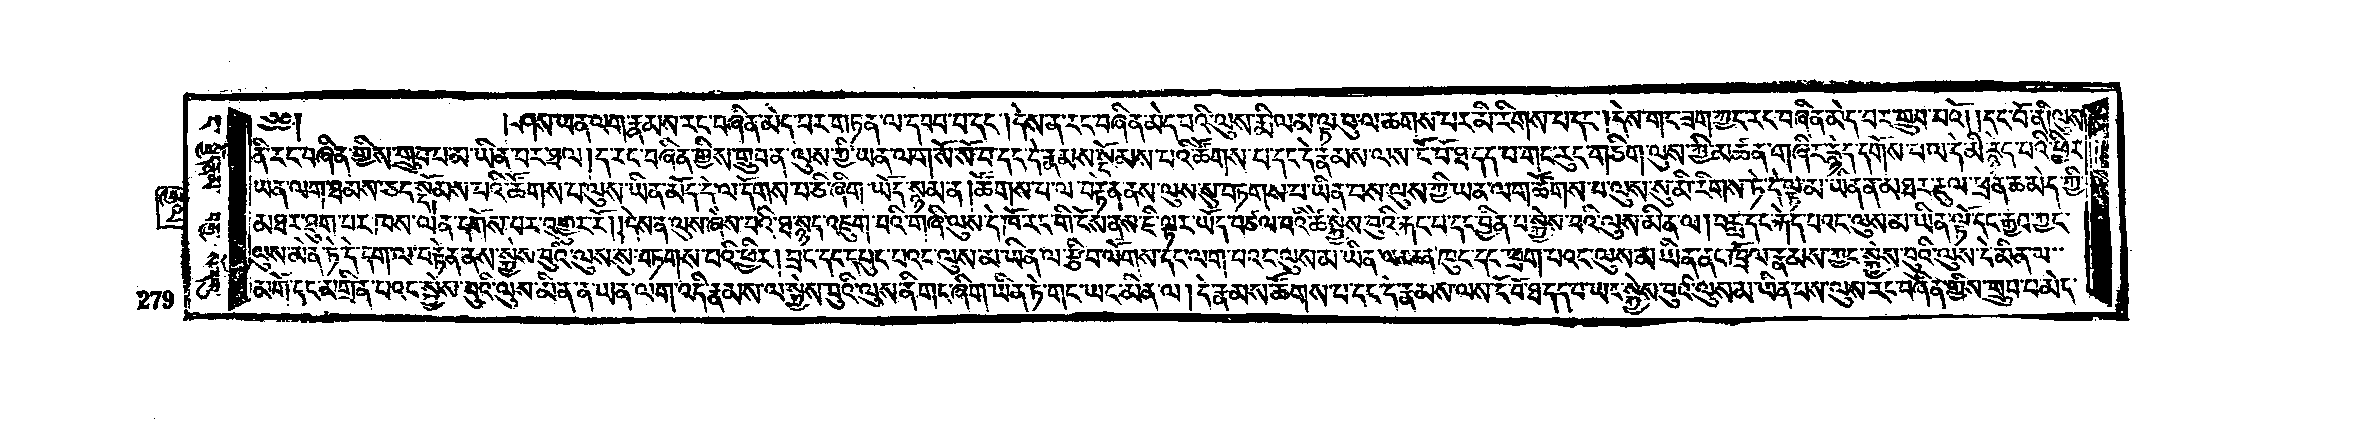༄༅། །ཤེས་ཡན་ལག་རྣམས་རང་བཞིན་མེད་པར་གཏན་ལ་དབབ་པ་དང་། དེས་ན་རང་བཞིན་མེད་པའི་ལུས་རྨི་ལམ་ལྟ་བུ་ལ་ཆགས་པར་མི་རིགས་པ་དང་། དེས་གང་ཟག་ཀྱང་རང་བཞིན་མེད་པར་གྲུབ་པའོ། །དང་པོ་ནི། ལུས་
ནི་རང་བཞིན་གྱིས་གྲུབ་པ་མ་ཡིན་པར་ཐལ། ད་རང་བཞིན་གྱིས་གྲུབ་ན་ལུས་ཀྱི་ཡན་ལག་སོ་སོ་བ་དང་དེ་རྣམས་སྡོམས་པའི་ཚོགས་པ་དང་དེ་རྣམས་ལས་ངོ་བོ་ཐ་དད་པ་གང་རུང་གཅིག་ལུས་ཀྱི་མཚན་གཞིར་རྙེད་དགོས་པ་ལ་དེ་མི་རྙེད་པའི་ཕྱིར།
ཡན་ལག་ཐམས་ཅད་སྡོམས་པའི་ཚོགས་པ་ལུས་ཡིན་མོད་དེ་ལ་དོགས་པ་ཅི་ཞིག་ཡོད་སྙམ་ན། ཚོགས་པ་ལ་བརྟེན་ནས་ལུས་སུ་བཏགས་པ་ཡིན་པས་ལུས་ཀྱི་ཡན་ལག་ཚོགས་པ་ལུས་སུ་མི་རིགས་ཏེ་དེ་ལྟ་མ་ཡིན་ན་མཐར་རྡུལ་ཕྲན་ཆ་མེད་ཀྱི་
མཐར་ཐུག་པར་ཁས་ལེན་དགོས་པར་འགྱུར་རོ། །དེས་ན་ལུས་ཞེས་པའི་ཐ་སྙད་འཇུག་པའི་གཞི་ལུས་དེ་ཁོ་རང་གི་ངོས་ནས་ཇི་ལྟར་ཡོད་པ་ཙལ་བའི་ཚེ་སྐྱེས་བུའི་རྐང་པ་དང་བྱིན་པ་སྐྱེས་པའི་ལུས་མིན་ལ། བརླ་དང་རྐེད་པའང་ལུས་མ་ཡིན་ལྟོ་དང་རྒྱབ་ཀྱང་
ལུས་མེན་ཏེ་དེ་དག་ལ་བརྟེན་ནས་སྐྱེས་བུའི་ལུས་སུ་བཏགས་པའི་ཕྱིར། བྲང་དང་དཔུང་པའང་ལུས་མ་ཡིན་ལ་རྩིབ་ལོགས་དང་ལག་པའང་ལུས་མ་ཡིན་པ་མཚན་ཁུང་དང་ཕྲག་པའང་ལུས་མ་ཡིན་ནང་ཁྲོལ་རྣམས་ཀྱང་སྐྱེས་བུའི་ལུས་དེ་མིན་ལ་
མགོ་དང་མགྲིན་པའང་སྐྱེས་བུའི་ལུས་མིན་ན་ཡན་ལག་འདི་རྣམས་ལ་སྐྱེས་བུའི་ལུས་ནི་གང་ཞིག་ཡིན་ཏེ་གང་ཡང་མིན་ལ། དེ་རྣམས་ཚོགས་པ་དང་དེ་རྣམས་ལས་ངོ་བོ་ཐ་དད་པ་ཡང་སྐྱེས་བུའི་ལུས་མ་ཡིན་པས་ལུས་རྣག་བཞིན་གྱིས་གྲུབ་པ་མེད་